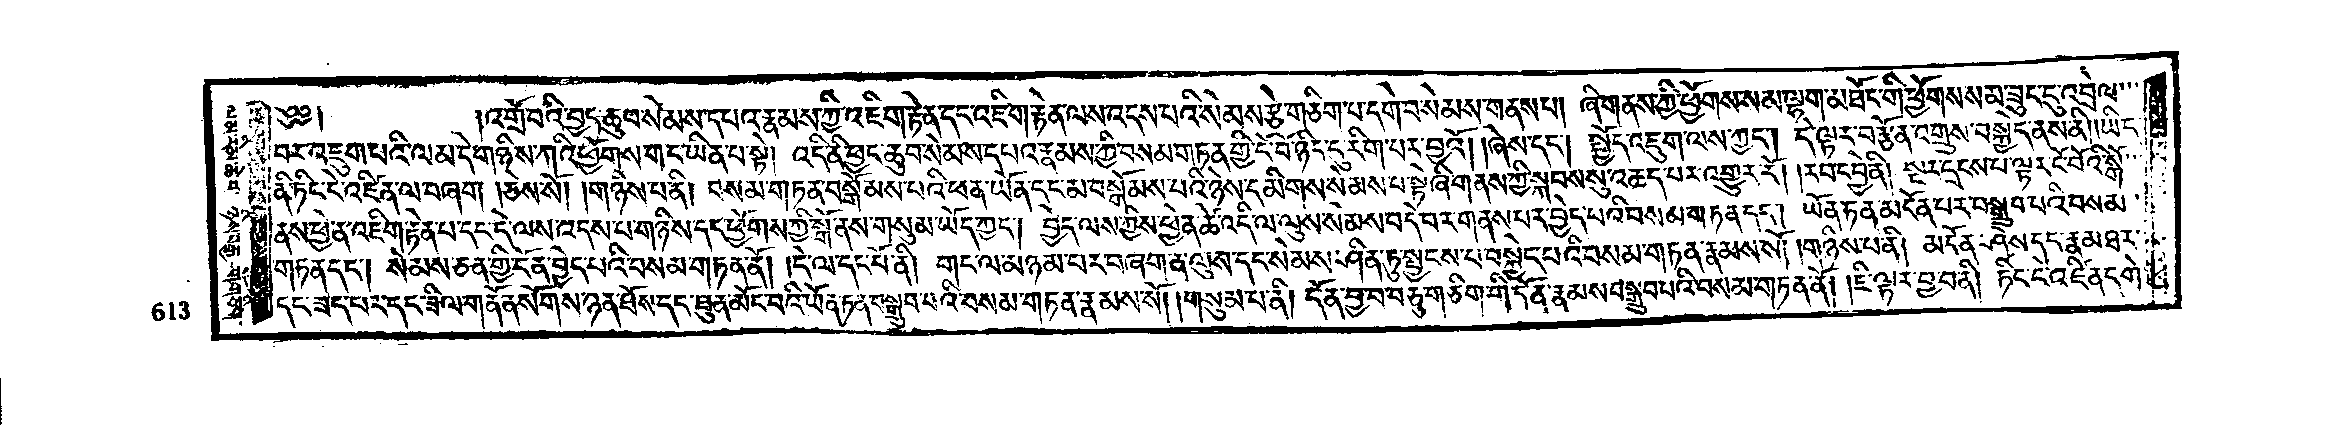༄༅། །འགྲོ་བའི་བྱང་ཆུབ་སེམས་དཔའ་རྣམས་ཀྱི་འཇིག་རྟེན་དང་འཇིག་རྟེན་ལས་འདས་པའི་སེམས་རྩེ་གཅིག་པ་དགེ་བ་སེམས་གནས་པ། ཞི་གནས་ཀྱི་ཕྱོགས་སམ་ལྷག་མཐོང་གི་ཕྱོགས་སམ་ཟུང་དུ་འབྲེལ་
བར་འཇུག་པའི་ལམ་དེ་གཉིས་ཀའི་ཕྱོགས་གང་ཡིན་པ་སྟེ། འདི་ནི་བྱང་ཆུབ་སེམས་དཔའ་རྣམས་ཀྱི་བསམ་གཏན་གྱི་ངོ་བོ་ཉིད་དུ་རིག་པར་བྱའོ། །ཞེས་དང་། སྤྱོད་འཇུག་ལས་ཀྱང་། དེ་ལྟར་བརྩོན་འགྲུས་བསྐྱེད་ནས་ནི། །ཡིད་
ནི་ཏིང་ངེ་འཛིན་ལ་བཞག །ཅེས་སོ། །གཉིས་པ་ནི། བསམ་གཏན་བསྒོམས་པའི་ཕན་ཡོན་དང་མ་བསྒོམས་པའི་ཉེས་དམིགས་སེམས་པ་སྟེ་ཞི་གནས་ཀྱི་སྐབས་སུ་འཆད་པར་འགྱུར་རོ། །རབ་དབྱེ་ནི། སྔར་དྲངས་པ་ལྟར་ངོ་བོའི་སྒོ་
ནས་ཕྱེན་འཇིག་རྟེན་པ་དང་དེ་ལས་འདས་པ་གཉིས་དང་ཕྱོགས་ཀྱི་སྒོ་ནས་གསུམ་ཡོད་ཀྱང་། བྱེད་ལས་ཀྱིས་ཕྱེན་ཚེ་འདི་ལ་ལུས་སེམས་བདེ་བར་གནས་པར་བྱེད་པའི་བསམ་གཏན་དང་། ཡོན་ཏན་མངོན་པར་བསྒྲུབ་པའི་བསམ་
གཏན་དང་། སེམས་ཅན་གྱི་དོན་བྱེད་པའི་བསམ་གཏན་ནོ། །དེ་ལ་དང་པོ་ནི། གང་ལ་མཉམ་པར་བཞག་ན་ལུས་དང་སེམས་ཤིན་ཏུ་སྦྱངས་པ་བསྐྱེད་པའི་བསམ་གཏན་རྣམས་སོ། །གཉིས་པ་ནི། མངོན་ཤེས་དང་རྣམ་ཐར་
དང་ཟད་པར་དང་ཟིལ་གནོན་སོགས་ཉན་ཐོས་དང་ཐུན་མོང་བའི་ཡོན་ཏན་བསྒྲུབ་པའི་བསམ་གཏན་རྣམས་སོ། །གསུམ་པ་ནི། དོན་བྱ་བ་བཅུ་གཅིག་གི་དོན་རྣམས་བསྒྲུབ་པའི་བསམ་གཏན་ནོ། །ཇི་ལྟར་བྱ་བ་ནི། ཏིང་ངེ་འཛིན་དགེ་